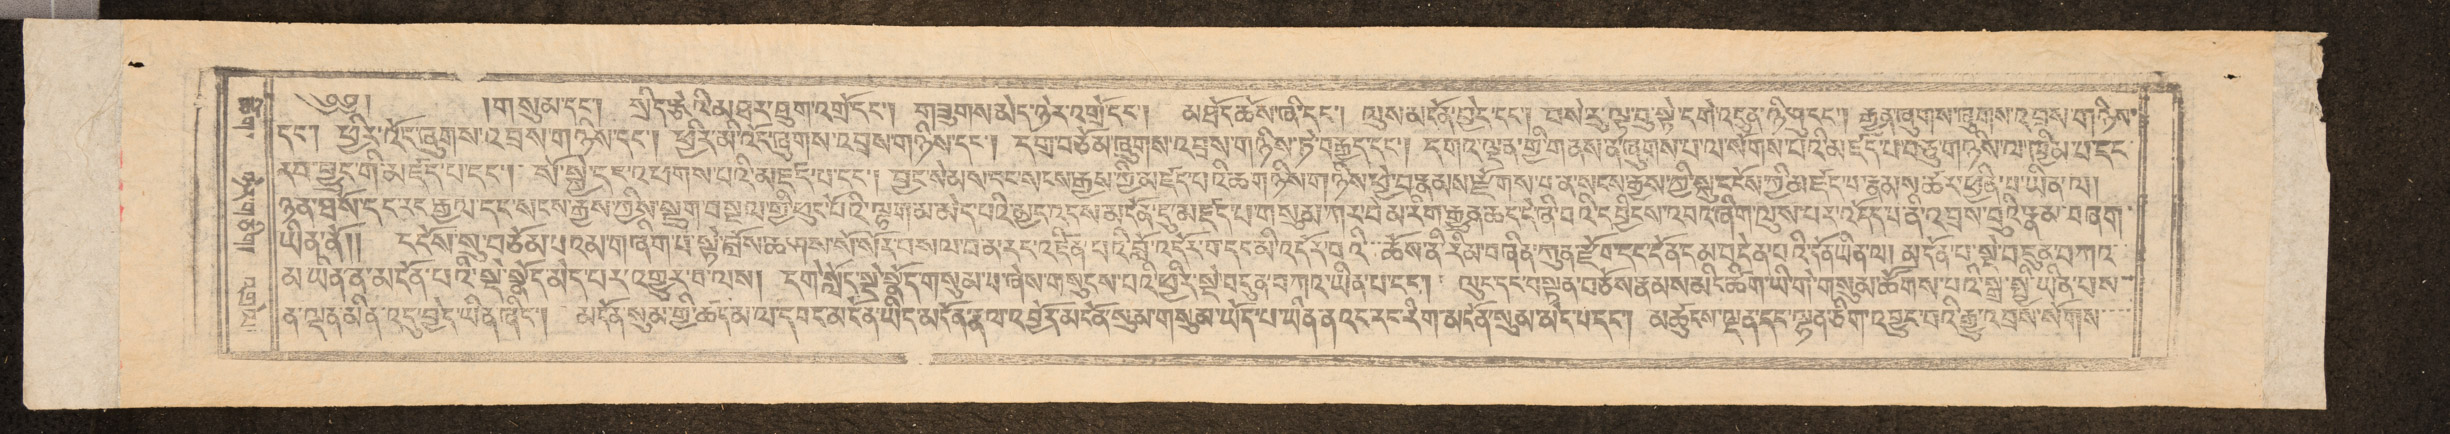༄༅། །གསུམ་དང་། སྲིད་རྩེའི་མཐར་ཐུག་འགྲོ་དང་། གཟུགས་མེད་ཉེར་འགྲོ་དང་། མཐོང་ཆོས་ཞི་དང་། ལུས་མངོན་བྱེད་དང་། བསེ་རུ་ལྟ་བུ་སྟེ་དགེ་འདུན་ཉི་ཤུ་དང་། རྒྱུན་ཞུགས་ཞུགས་འབྲས་གཉིས་
དང་། ཕྱིར་འོང་ཞུགས་འབྲས་གཉིས་དང་། ཕྱིར་མི་འོད་ཞུགས་འབྲས་གཉིས་དང་། དགྲ་བཅོམ་ཞུགས་འབྲས་གཉིས་ཏེ་བརྒྱད་དང་། དགའ་ལྡན་གྱི་གནས་ན་ཞུགས་པ་ལ་སོགས་པའི་མཛད་པ་བཅུ་གཉིས་ལ་ཁྱིམ་པ་དང་
རབ་བྱུང་གི་མཛད་པ་དང་། སོ་སྐྱེ་དང་འཕགས་པའི་མཛད་པ་དང་། བྱང་སེམས་དང་སངས་རྒྱས་ཀྱི་མཛད་པའི་ཆ་གཉིས་གཉིས་ཕྱེ་བ་རྣམས་རྫོགས་པ་ན་སངས་རྒྱས་ཀྱི་སྐུ་དངོས་ཀྱི་མཛད་པ་རྣམས་ཚར་ཕྱིན་པ་ཡིན་ལ།
ཉན་ཐོས་དང་རང་རྒྱལ་དང་སངས་རྒྱས་ཀྱིས་སྡུག་བསྔལ་གྱི་ཕུང་པོའི་ལྷག་མ་མེད་པའི་མྱང་འདས་མངོན་དུ་མཛད་པ་གསུམ་ཀར་བེ་མ་རིག་རྒྱུན་ཆད་དེ་ཞི་བའི་དབྱིངས་འབའ་ཞིག་ལུས་པར་འདོད་པ་ནི་འབྲས་བུའི་རྣམ་བཞག་
ཡིན་ནོ།། དངོས་སུ་བཅོམ་པའམ་གཞིག་པ་སྟེ་བློས་ཆ་ཤས་སོ་སོར་བསལ་བ་ན་རང་འཛིན་པའི་བློ་འདོར་བ་དང་མི་འདོར་བའི་ཆོས་ནི་རིམ་བཞིན་ཀུན་རྫོབ་དང་དོན་དམ་བདེན་པའི་དོན་ཡིན་ལ། མངོན་པ་སྡེ་བདུན་བཀའ་
མ་ཡིན་ན་མངོན་པའི་སྡེ་སྣོད་མེད་པར་འགྱུར་བ་ལས། དགེ་སློང་སྡེ་སྣོད་གསུམ་པ་ཞེས་གསུངས་པའི་ཕྱིར་སྡེ་བདུན་བཀའ་ཡིན་པ་དང་། ལུང་དང་བསྟན་བཅོས་རྣམས་མིང་ཚིག་ཡི་གེ་གསུམ་ཚོགས་པའི་སྒྲ་སྤྱི་ཡིན་པས་
ན་ལྡན་མིན་འདུ་བྱེད་ཡིན་ཞིང་། མངོན་སུམ་གྱི་ཚད་མ་ལ་དབང་མངོན་ཡིད་མངོན་རྣལ་འབྱོར་མངོན་སུམ་གསུམ་ཡོད་པ་ཡིན་ནའང་རང་རིག་མངོན་སུམ་མེད་པ་དང་། མཚུངས་ལྡན་དང་ལྷན་ཅིག་འབྱུང་བའི་རྒྱུ་འབྲས་སོགས་